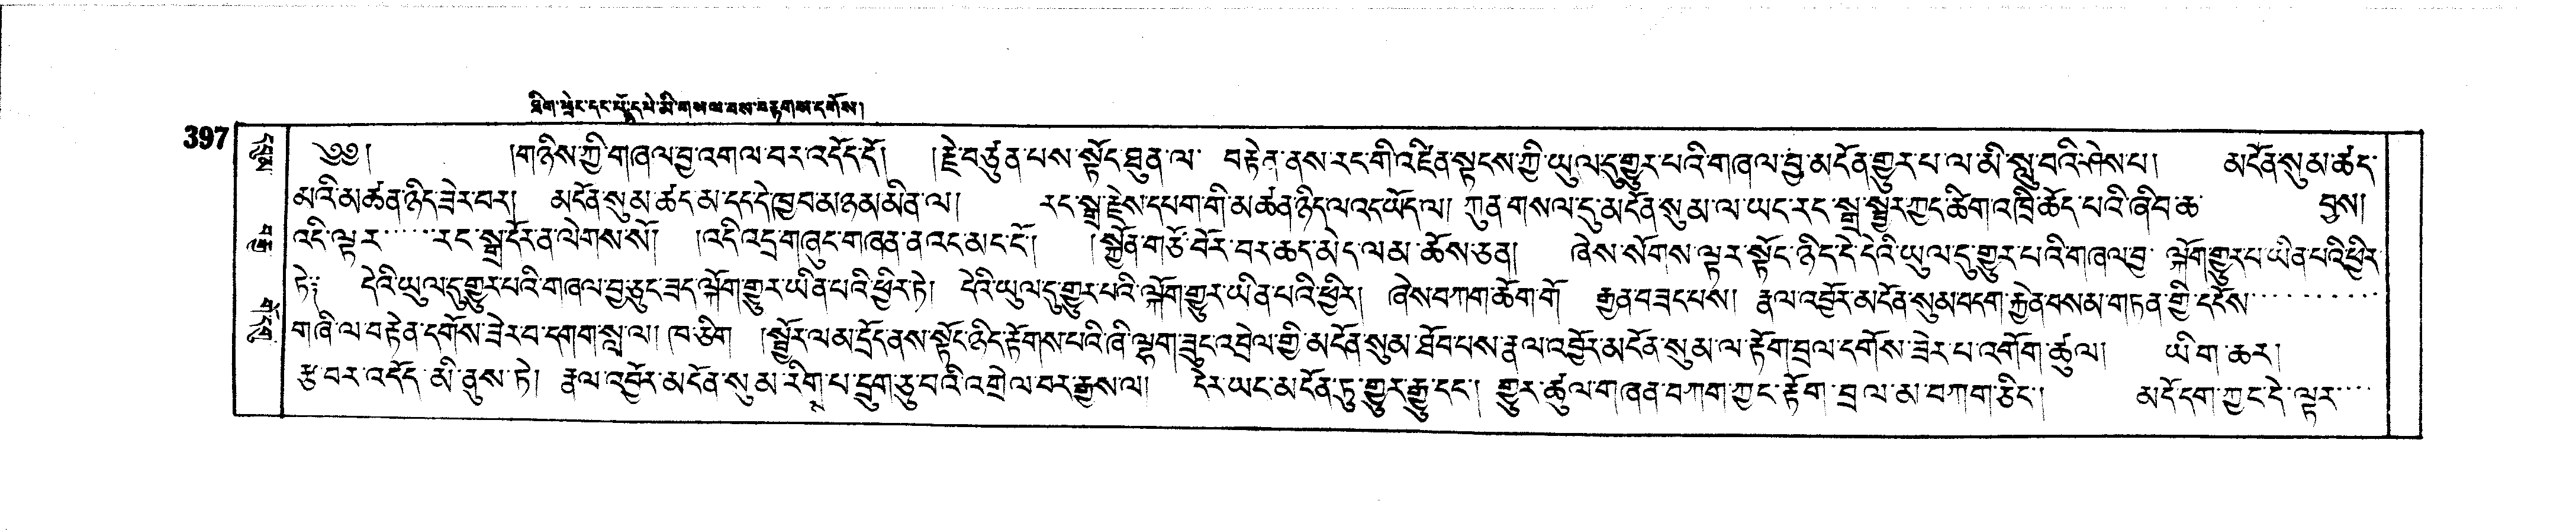༄༅། །གཉིས་ཀྱི་གཞལ་བྱ་འགལ་བར་འདོད་དོ། །རྗེ་བཙུན་པས་སྟོང་ཐུན་ལ་བརྟེན་ནས་རང་གི་འཛིན་སྟངས་ཀྱི་ཡུལ་དུ་གྱུར་པའི་གཞལ་བྱ་མངོན་གྱུར་པ་ལ་མི་སླུ་བའི་ཤེས་པ། མངོན་སུམ་ཚད་
མའི་མཚན་ཉིད་ཟེར་བར། མངོན་སུམ་ཚད་མ་དང་དེ་ཁྱབ་མཉམ་མིན་ལ། རང་སྒྲ་རྗེས་དཔག་གི་མཚན་ཉིད་ལའང་ཡོད་ལ། ཀུན་གསལ་དུ་མངོན་སུམ་ལ་ཡང་རང་སྒྲ་སྦྱར་ཀྱང་ཚིག་འཁྲི་ཆོད་པའི་ཞིབ་ཆ་བྱས།
འདི་ལྟར་རང་སྒྲ་དོར་ན་ལེགས་སོ། །འདི་འདྲ་གཞུང་གཞན་ནའང་མང་ངོ། །སྐྱོན་གཙོ་བོར་བར་ཆད་མེད་ལམ་ཆོས་ཅན། ཞེས་སོགས་ལྟར་སྟོང་ཉིད་དེ་དེའི་ཡུལ་དུ་གྱུར་པའི་གཞལ་བྱ་ལྐོག་གྱུར་པ་ཡིན་པའི་ཕྱིར་
ཏེ། དེའི་ཡུལ་དུ་གྱུར་པའི་གཞལ་བྱ་ཅུང་ཟད་ལྐོག་གྱུར་ཡིན་པའི་ཕྱིར་ཏེ། དེའི་ཡུལ་དུ་གྱུར་པའི་ལྐོག་གྱུར་ཡིན་པའི་ཕྱིར། ཞེས་བཀག་ཆོག་གོ་རྒྱན་བཟང་པས། རྣལ་འབྱོར་མངོན་སུམ་བདག་རྐྱེན་བསམ་གཏན་གྱི་དངོས་
གཞི་ལ་བརྟེན་དགོས་ཟེར་བ་དགག་སླ་ལ། ཁ་ཅིག །སྦྱོར་ལམ་དྲོད་ནས་སྟོང་ཉིད་རྟོགས་པའི་ཞི་ལྷག་ཟུང་འབྲེལ་གྱི་མངོན་སུམ་ཐོབ་པས་རྣལ་འབྱོར་མངོན་སུམ་ལ་རྟོག་བྲལ་དགོས་ཟེར་པ་འགོག་ཚུལ། ཡིག་ཆར།
རྩ་བར་འདོད་མི་ནུས་ཏེ། རྣལ་འབྱོར་མངོན་སུམ་རིགས་པ་དྲུག་ཅུ་བའི་འགྲེལ་བར་རྒྱས་ལ། དེར་ཡང་མངོན་སུམ་གྱུར་རྒྱུ་དང་། གྱུར་ཚུལ་གཞན་བཀག་ཀྱང་རྟོག་བྲལ་མ་བཀག་ཅིང་། མདོ་དག་ཀྱང་དེ་ལྟར་